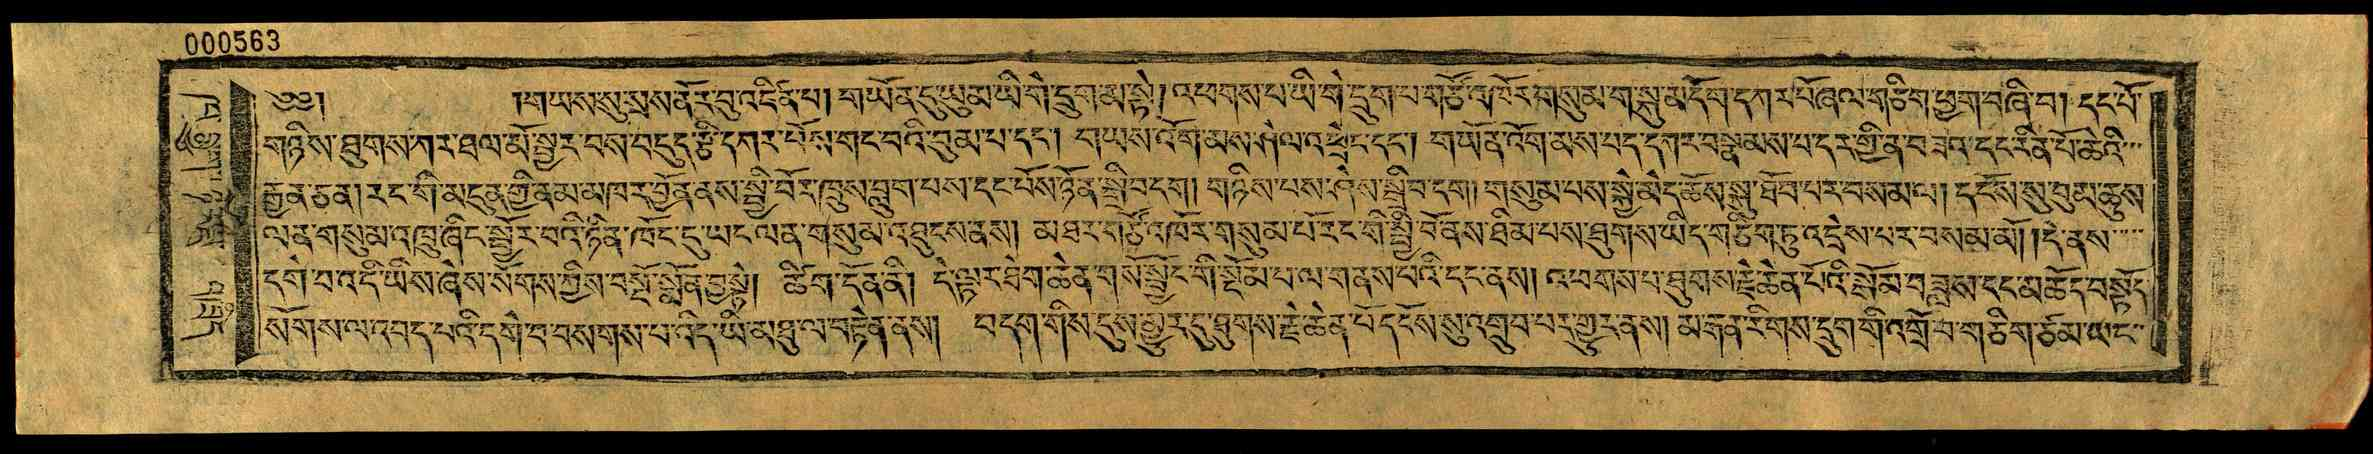༄༅། །གཡས་སུ་སྲས་ནོར་བུ་འཛིན་པ། གཡོན་དུ་ཡུམ་ཡི་གེ་དྲུག་མ་སྟེ། འཕགས་པ་ཡི་གེ་དྲུག་པ་གཙོ་འཁོར་གསུམ་ག་སྐུ་མདོག་དཀར་པོ་ཞལ་གཅིག་ཕྱག་བཞི་པ། དང་པོ་
གཉིས་ཐུགས་ཀར་ཐལ་མོ་སྦྱར་བས་བདུད་རྩི་དཀར་པོས་གང་བའི་བུམ་པ་དང་། གཡས་འོག་མས་ཤེལ་འཕྲེང་དང་། གཡོན་འོག་མས་པད་དཀར་བསྣམས་པ་དང་གྱི་ན་བཟའ་དང་རིན་པོ་ཆེའི་
རྒྱན་ཅན། རང་གི་མདུན་གྱི་ནམ་མཁར་བྱོན་ནས་སྤྱི་བོར་ཁྲུས་བླུག་པས་དང་པོས་ཉོན་སྒྲིབ་དག །གཉིས་པས་ཤེས་སྒྲིབ་དག །གསུམ་པས་སྐྱེ་མེད་ཆོས་སྐུ་ཐོབ་པར་བསམ་ལ། དངོས་སུ་བུམ་ཆུས་
ལན་གསུམ་འཁྲུ་ཞིང་སྦྱོར་བའི་ཉིན་ཁོང་དུ་ཡང་ལན་གསུམ་འཐུངས་ནས། མཐར་གཙོ་འཁོར་གསུམ་པོ་རང་གི་སྤྱི་བོ་ནས་ཐིམ་པས་ཐུགས་ཡིད་གཅིག་ཏུ་འདྲེས་པར་བསམ་མོ། །དེ་ནས་
དགེ་བ་འདི་ཡིས་ཞེས་སོགས་ཀྱིས་བསྔོ་སྨོན་བྱ་སྟེ། ཚིག་དོན་ནི། དེ་ལྟར་ཐེག་ཆེན་གསོ་སྦྱོང་གི་སྡོམ་པ་ལ་གནས་པའི་དང་ནས། འཕགས་པ་ཐུགས་རྗེ་ཆེན་པོའི་སྒོམ་བཟླས་དང་མཆོད་བསྟོད་
སོགས་ལ་འབད་པའི་དགེ་བ་བསགས་པ་འདི་ཡི་མཐུ་ལ་བརྟེན་ནས། བདག་གིས་དུས་མྱར་དུ་ཐུགས་རྗེ་ཆེན་པོ་དངོས་སུ་འགྲུབ་པར་གྱུར་ནས། མྲྒན་རིགས་དྲུག་གི་འགྲོ་བ་གཅིག་ཙམ་ཡང་